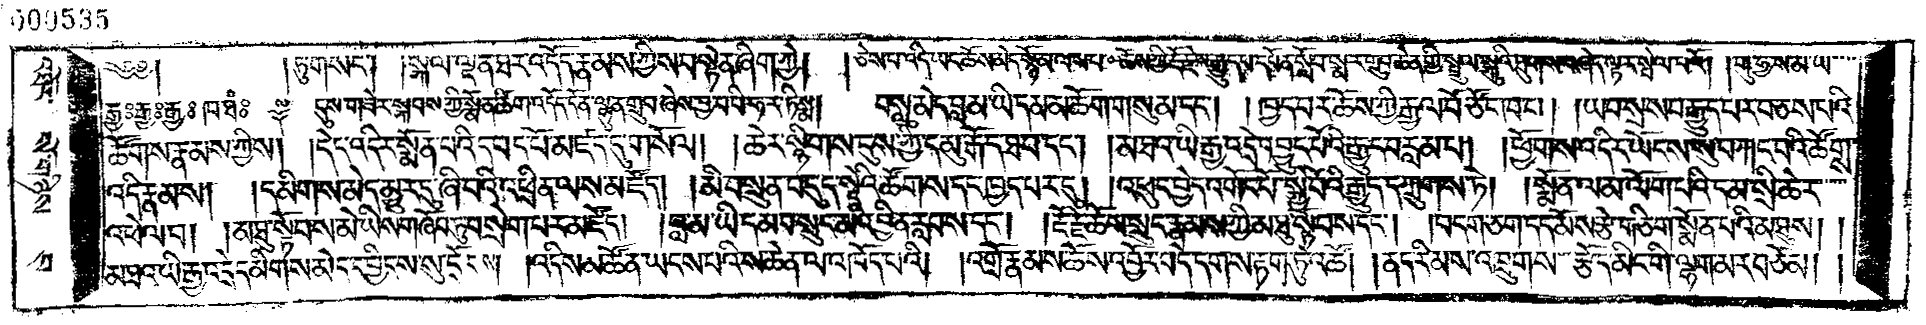༄༅། །ཏུ་གསང་། །སྐལ་ལྡན་ཐར་འདོད་རྣམས་ཀྱིས་བསྟེན་ཞིག་ཀྱེ། །ཅེས་པ་འདི་ཡང་ཆོས་མེད་སྙོམ་ལས་པ་༧་ཆོས་ཀྱི་རྡོ་རྗེས་རྒྱུད་པ་དཔོན་སློབ་སྨར་གྲུབ་ཆེན་གྱི་སྤྲུལ་སྐུའི་ཐུགས་བཞེད་ལྟར་སྤེལ་པའོ། །གུ་ཧྱ་ས་མ་ཡ་
རྒྱཿ རྒྱཿ རྒྱཿ ཁ་ཐྭཾཿ ༈ དུས་གཟེར་སྐབས་ཀྱི་སྨོན་ཚིག་འདོད་དོན་ལྷུན་གྲུབ་ཞེས་བྱ་བ་བི་ཧ་ར་ཏིསྨ། བསླུ་མེད་བླ་མ་ཡི་དམ་མཆོག་གསུམ་དང་། །ཁྱད་པར་ཆོས་ཀྱི་རྒྱལ་པོ་ཙོང་ཁ་པ། །ཡབ་སྲས་བརྒྱུད་པར་བཅས་པའི་
ཚོགས་རྣམས་ཀྱིས། །དེང་འདིར་སྨོན་པའི་དབང་པོ་མཛད་དུ་གསོལ། །ཆེར་སྙིགས་དུས་ཀྱི་དམུ་རྒོད་ཐབ་དང་། །མཐའ་ཡི་རྒྱ་འདྲེ་འབྱུང་པོའི་རྒྱུད་བརླམ་པ། །ཕྱོགས་འདིར་ཡོངས་སུ་བཀང་བའི་ཚོགས་
འདི་རྣམས། །དམིགས་མེད་མྱུར་དུ་ཞི་བའི་འཕྲིན་ལས་མཛོད། །མི་བསྲུན་བདུད་སྡེའི་ཚོགས་དང་ཁྱད་པར་དུ། །འཕུང་བྱེད་འགོང་པོ་སྐྱེ་བོའི་རྒྱུད་དཀྲུགས་ཏེ། །སྨོན་ལམ་ལོག་པའི་དམ་སྲི་ཆེར་
འཕེལ་བ། །མཐུ་སྟོབས་མེ་ཡིས་གཞོབ་ཏུ་བསྲེག་པར་མཛོད། །བླ་མ་ཡི་དམ་བསྲུང་མའི་བྱིན་རླབས་དང་། །རྡོ་རྗེ་ཆོས་སྲུང་རྣམས་ཀྱི་མཐུ་སྟོབས་དང་། །བདག་ཅག་དད་མོས་རྩེ་གཅིག་སྨོན་པའི་མཐུས། །
མཐའ་ཡི་རྒྱ་འདྲེ་དམིགས་མེད་དབྱིངས་སུ་དྲོངས། །འདིས་མཚོན་ཡངས་པའི་ས་ཆེན་ལ་འཁོད་པའི། །འགྲོ་རྣམས་ཆོས་འབྱོར་བདེ་དགས་རྟག་ཏུ་འཚོ། །ནད་རིམས་འཁྲུགས་རྩོད་མིང་གི་ལྷག་མར་བཅོམ། །